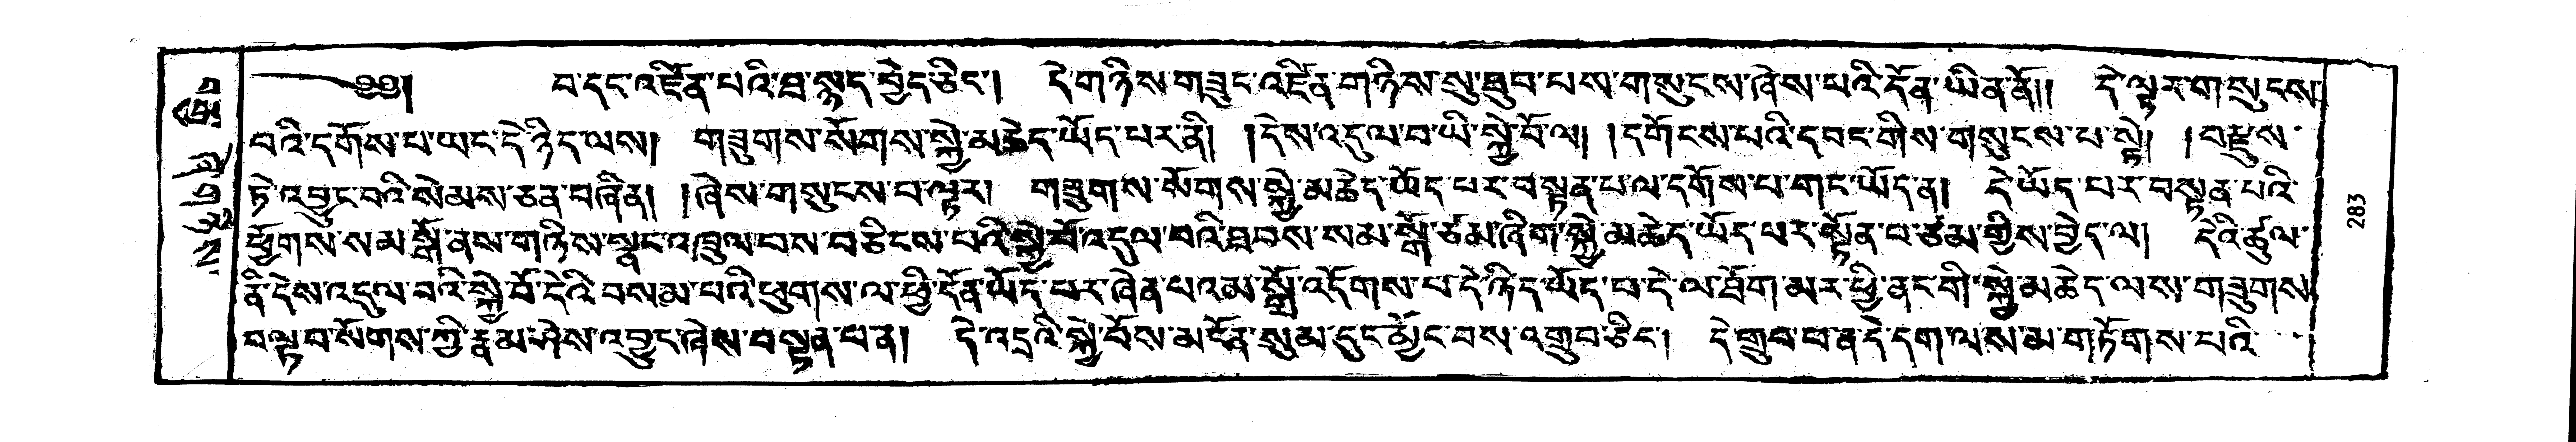༄༅། །བ་དང་འཛིན་པའི་ཐ་སྙད་བྱེད་ཅིང་། དེ་གཉིས་གཟུང་འཛིན་གཉིས་སུ་ཐུབ་པས་གསུངས་ཞེས་པའི་དོན་ཡིན་ནོ། །དེ་ལྟར་གསུངས་
བའི་དགོས་པ་ཡང་དེ་ཉིད་ལས། གཟུགས་སོགས་སྐྱེ་མཆེད་ཡོད་པར་ནི། །དེས་འདུལ་བ་ཡི་སྐྱེ་བོ་ལ། །དགོངས་པའི་དབང་གིས་གསུངས་པ་སྟེ། །བརྫུས་
ཏེ་འབྱུང་བའི་སེམས་ཅན་བཞིན། །ཞེས་གསུངས་པ་ལྟར། གཟུགས་སོགས་སྐྱེ་མཆེད་ཡོད་པར་བསྟན་པ་ལ་དགོས་པ་གང་ཡོད་ན། དེ་ཡོད་པར་བསྟན་པའི་
ཕྱོགས་སམ་སྒོ་ནས་གཉིས་སྣང་འཁྲུལ་བས་བཅིངས་པའི་སྐྱེ་བོ་འདུལ་བའི་ཐབས་སམ་སྒོ་ཙམ་ཞིག་སྐྱེ་མཆེད་ཡོད་པར་སྟོན་པ་ཙམ་གྱིས་བྱེད་ལ། དེའི་ཚུལ་
ནི་དེས་འདུལ་བའི་སྐྱེ་བོ་དེའི་བསམ་པའི་ཕུགས་ལ་ཕྱི་དོན་ཡོད་པར་ཞེན་པའམ་སྒྲོ་འདོགས་པ་དེ་ཉིད་ཡོད་པ་དེ་ལ་ཐོག་མར་ཕྱི་ནང་གི་སྐྱེ་མཆེད་ལས་གཟུགས་
བལྟ་བ་སོགས་ཀྱི་རྣམ་ཤེས་འབྱུང་ཞེས་བསྟན་པ་ན། དེ་འདྲའི་སྐྱེ་བོས་མངོན་སུམ་དུང་མྱོང་བས་འགྲུབ་ཅིང་། དེ་གྲུབ་པ་ན་དེ་དག་ལས་མ་གཏོགས་པའི་